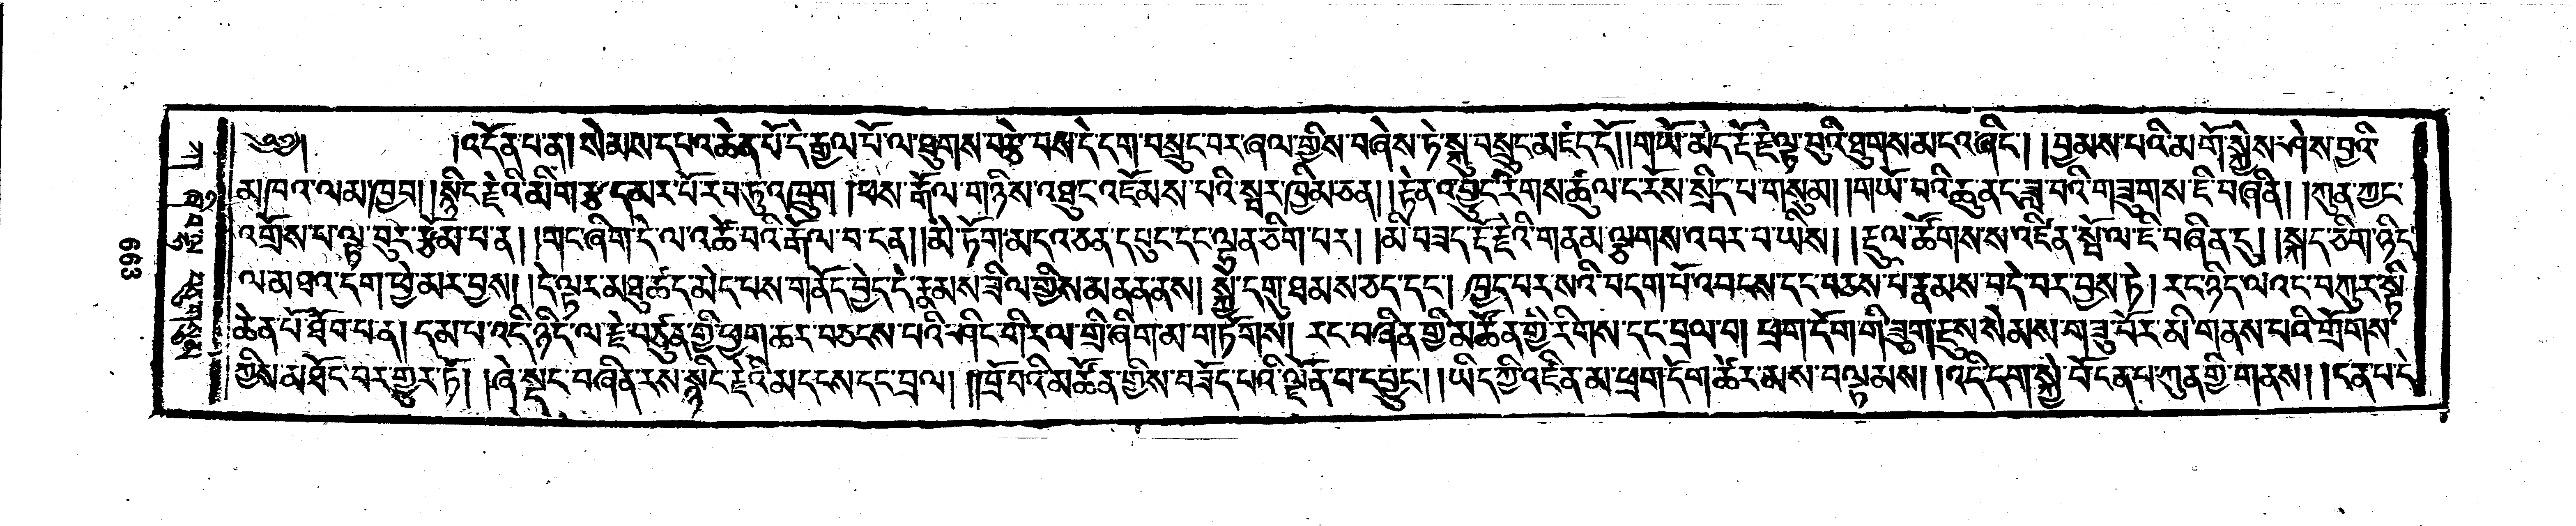༄༅། །འདོན་པ་ན། སེམས་དཔའ་ཆེན་པོ་དེ་རྒྱལ་པོ་ལ་ཐུགས་བརྩེ་བས་དེ་དག་བསྲུང་བར་ཞལ་གྱིས་བཞེས་ཏེ་སྐུ་བསྲུང་མཛད་དོ། །གཡོ་མེད་རྡོ་རྗེ་ལྟ་བུའི་ཐུགས་མངའ་ཞིང་། །བྱམས་པའི་མགོ་སྐྱེས་ཤེས་བྱའི་
མཁའ་ལམ་ཁྱབ། །སྙིང་རྗེའི་མིག་རྩ་དམར་པོ་རབ་ཏུ་འཁྲུག །ཕས་རྒོལ་གཉིས་འཐུང་འཇོམས་པའི་སྦར་ཁྱིམ་ཅན། །རྟེན་འབྱུང་རིགས་ཚུལ་ང་རོས་སྲིད་པ་གསུམ། །གཡོ་བའི་ཆུ་ནང་ཟླ་བའི་གཟུགས་ཇི་བཞིན། །ཀུན་ཀྱང་
འགྲོས་པ་ལྟ་བུར་རྩོམ་པ་ན། །གང་ཞིག་དེ་ལ་འཚོ་བའི་རྒོལ་བ་ངན། །མེ་ཏོག་མདའ་ཅན་དཔུང་དང་ལྷན་ཅིག་པར། །མི་བཟད་རྡོ་རྗེའི་གནམ་ལྕགས་འབར་བ་ཡིས། །རྡུལ་ཚོགས་ས་འཛིན་སྤོ་ལ་ཇི་བཞིན་དུ། །སྐད་ཅིག་ཉིད་
ལ་མཐའ་དག་ཕྱེ་མར་བྱས། །དེ་ལྟར་མཐུ་ཚད་མེད་པས་གནོད་བྱེད་དེ་རྣམས་ཟིལ་གྱིས་མནན་ནས། སྐྱེ་དགུ་ཐམས་ཅད་དང་། ཁྱད་པར་སའི་བདག་པོ་འབངས་དང་བཅས་པ་རྣམས་བདེ་བར་བྱས་ཏེ། རང་ཉིད་ལའང་བཀུར་སྟི་
ཆེན་པོ་ཐོབ་པ་ན། དམ་པ་འདི་ཉིད་ལ་རྗེ་བཙུན་གྱི་ཕྱག་ཆར་བཅངས་པའི་ཤིང་གི་རལ་གྲི་ཞིག་མ་གཏོགས། རང་བཞིན་གྱི་མཚོན་གྱི་རིགས་དང་བྲལ་བ། ཕྲག་དོག་གི་ཟུག་རྔུས་སེམས་གཟུ་བོར་མི་གནས་པའི་གྲོགས་
ཀྱིས་མཐོང་བར་གྱུར་ཏོ། །ཞེ་སྡང་བཞིན་རས་སྙིང་རྗེའི་མདངས་དང་བྲལ། །ཁྲོ་བའི་མཚོན་གྱིས་བཟོད་པའི་ལྗོན་པ་དབྱུང་། །ཡིད་ཀྱི་འཛིན་མ་ཕྲག་དོག་ཚེར་མས་བལྟམས། །འདི་དག་སྐྱེ་བོ་ངན་པ་ཀུན་གྱི་གནས། །ངན་པ་དེ་